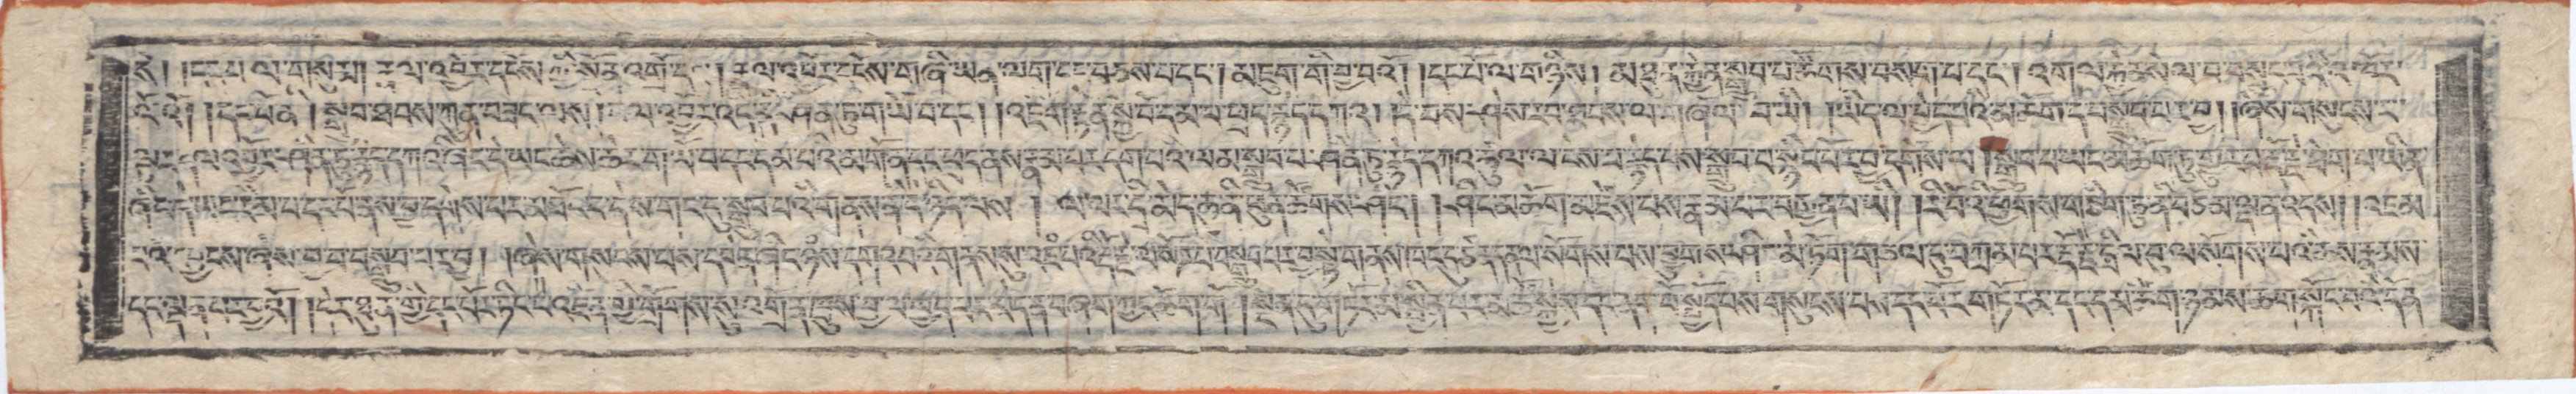སོ། །དང་པོ་ལ་གསུམ། རྣལ་འབྱོར་དངོས་ཀྱི་སྔོན་འགྲོ་དང་། རྣལ་འབྱོར་དངོས་གཞི་ཡན་ལག་དང་བཅས་པ་དང་། མཇུག་གི་བྱ་བའོ། །དང་པོ་ལ་གཉིས། མཐུན་རྐྱེན་སྒྲུབ་པ་ཚོགས་བསག་པ་དང་། འགལ་རྐྱེན་སེལ་བ་བསྲུང་བའི་འཁོར་
ལོའོ། །དང་པོ་ནི། སྒྲུབ་ཐབས་ཀུན་བཟང་ལས། དལ་འབྱོར་འདི་ནི་ཤིན་ཏུ་གཡོ་བ་དང་། །འཇིག་རྟེན་སྐྱེ་བོ་དམ་པ་ཕྲད་རྙེད་དཀའ། །དེ་བས་ཤེས་རབ་ཐབས་ལ་གཞོལ་བ་ཡི། །ཡིད་ལ་བྱེད་པའི་མཆོག་དེ་བསྒྲུབ་པར་བྱ། །ཞེས་གསུངས་པ་
ལྟར་དལ་འབྱོར་ཤིན་ཏུ་རྙེད་དཀའི་ཞིང་དེ་ཡང་ཆེས་ཆེར་གཡོ་བ་དང་དམ་པའི་མགོན་དང་ཕྲད་ནས་རྣམ་པར་དག་པའི་ལམ་སྒྲུབ་པ་ཤིན་ཏུ་རྙེད་དཀའ་ཚུལ་ལ་ངེས་པ་རྙེད་པས་སྒྲུབ་པ་སྙིང་པོར་བྱ་དགོས་ལ། སྒྲུབ་པ་ཡང་མཆོག་ཏུ་གྱུར་པ་རྡོ་རྗེ་ཐེག་པ་ཡིན་
ཞིང་དེ་ཡང་རིམ་པ་དང་པོ་ནས་བྱ་དགོས་པར་མཐོང་བ་དེས་གང་དུ་སྒྲུབ་པའི་གནས་ནི་དེ་ཉིད་ལས། ལ་ལར་དྲི་མེད་ཆུ་ནི་ཕུན་ཚོགས་ཤིང་། །ཤིང་མཆོག་མཛེས་པས་རྣམ་པར་བརྒྱན་པ་ཡི། །རི་བོའི་ཕྱོགས་གཅིག་ཏུ་ནི་བཅོམ་ལྡན་འདས། །འཇམ་
པའི་དབྱངས་ཞེས་བྱ་བ་བསྒྲུབ་པར་བྱ། །ཞེས་གསུངས་པས་དབེན་ཞིང་ཉམས་དགའ་བའི་གནས་སུ་འཇཾ་པའི་རྡོ་རྗེ་ལ་སོགས་པ་བསྒྲུབ་པར་བྱ་སྟེ་གནས་ཁང་དུ་ཙན་དན་ལ་སོགས་པས་བྱུགས་ཤིང་མེ་ཏོག་གཅལ་དུ་བཀྲམ་པར་རྡོ་རྗེ་དྲིལ་བུ་ལ་སོགས་པའི་ཆས་རྣམས་
དང་ལྡན་པར་བྱའོ། །དེར་ཐུན་གྱི་དང་པོར་ཏིང་ངེ་འཛིན་གྱི་གྲོགས་སུ་འགྲོ་ན་ཁྲུས་བྱ་ལ་ཁྱད་པར་མེད་ན་བཞག་ཀྱང་ཆོག་གོ །སྔོན་དུ་གཏོར་མ་སྦྱིན་པར་མཚོ་སྐྱེས་དང་ནག་པོ་སྤྱོད་པས་གསུངས་པས་དང་པོར་གཏོར་མ་དང་དམ་ཚིག་ཉམས་ཆག་སྐོང་བའི་དོན་